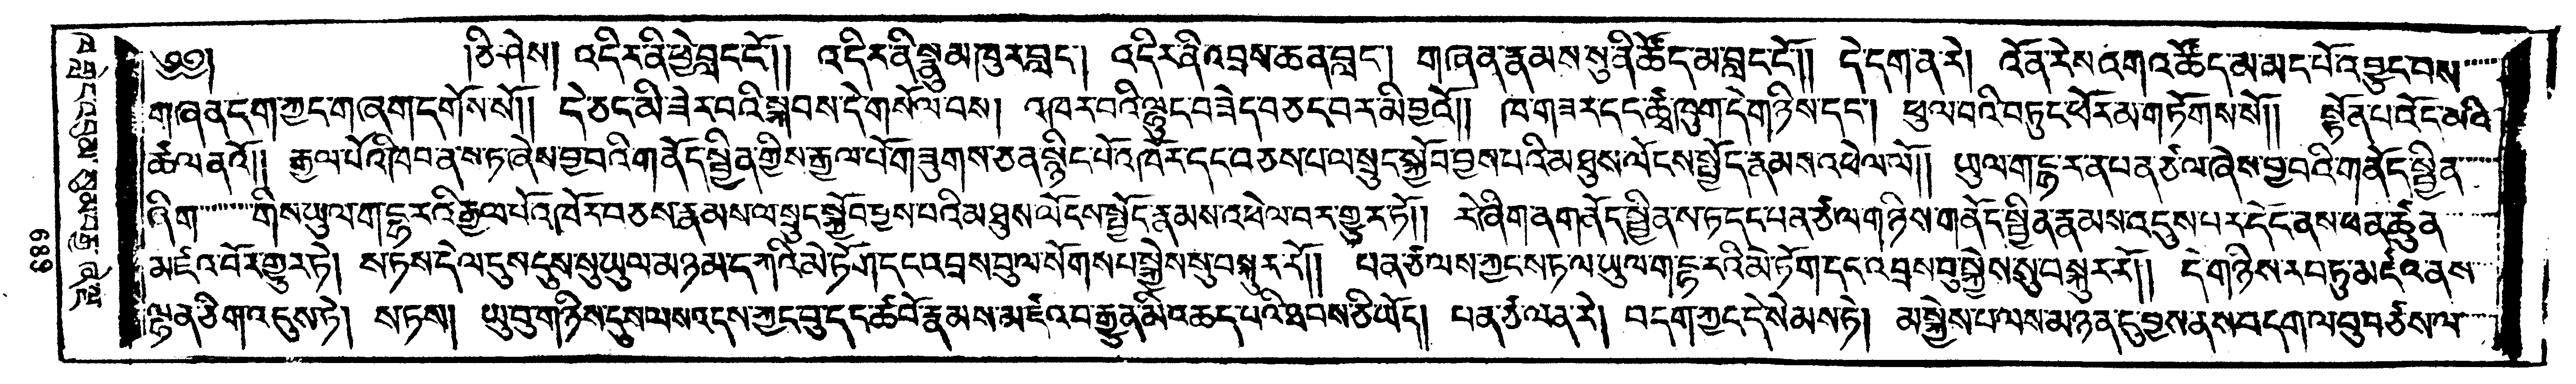༄༅། །ཅི་ཤེས། འདིར་ནི་ཕྱེ་བླང་ངོ།། འདིར་ནི་སྣུམ་ཁུར་བླང་། འདིར་ནི་འབྲས་ཆན་བླང་། གཞན་རྣམས་སུ་ནི་ཚོད་མ་བླང་ངོ།། དེ་དག་ན་རེ། འོ་ན་རེས་འགའ་ཚོད་མ་མང་པོ་འབྱུང་བས་
གཞན་དག་ཀྱང་གཞག་དགོས་སོ།། དེ་ཅང་མི་ཟེར་བའི་སྐབས་དེ་གསོལ་བས། འཁར་བའི་ལྷུང་བཟེད་བཅང་བར་མི་བྱའོ།། ཁ་གཟར་དང་ཚྭ་ཁུག་དེ་གཉིས་དང་། ཕུལ་བའི་བཏུང་ཕོར་མ་གཏོགས་སོ།། སྟོན་པ་འོད་མའི་
ཚལ་ནའོ།། རྒྱལ་པོའི་ཁབ་ནས་ཏ་ཞེས་བྱ་བའི་གནོད་སྦྱིན་གྱིས་རྒྱལ་པོ་གཟུགས་ཅན་སྙིང་པོ་འཁོར་དང་བཅས་པ་ལ་སྲུང་སྐྱོབ་བྱས་པའི་མཐུས་ལོངས་སྤྱོད་རྣམས་འཕེལ་ལོ།། ཡུལ་ག་དྷ་ར་ན་པན་ཙ་ལ་ཞེས་བྱ་བའི་གནོད་སྦྱིན་
ཞིག་གིས་ཡུལ་ག་དྷ་རའི་རྒྱལ་པོ་འཁོར་བཅས་རྣམས་ལ་སྲུང་སྐྱོབ་བྱས་པའི་མཐུས་ལོངས་སྤྱོད་རྣམས་འཕེལ་བར་གྱུར་ཏོ།། རེ་ཞིག་ན་གནོད་སྦྱིན་ས་ཏ་དང་པ་ན་ཙལ་གཉིས་གནོད་སྦྱིན་རྣམས་འདུས་པར་དོང་ནས་ཕན་ཚུན་
མཛའ་བོར་གྱུར་ཏེ། ས་ཏས་དེ་ལ་དུས་དུས་སུ་ཡུལ་མཉམ་དཀའི་མེ་ཏོག་དང་འབྲས་བུལ་སོགས་པ་སྐྱེས་སུ་བསྐུར་རོ།། པན་ཙ་ལས་ཀྱང་ས་ཏ་ལ་ཡུལ་ག་དྷ་རའི་མེ་ཏོག་དང་འབྲས་བུ་སྐྱེས་སུ་བསྐུར་རོ།། དེ་གཉིས་རབ་ཏུ་མཛའ་ནས་
ལྷན་ཅིག་འདུས་ཏེ། ས་ཏས། ཡུ་བུ་གཉིས་དུས་ལས་འདས་ཀྱང་བུ་དང་ཚ་བོ་རྣམས་མཛའ་བ་རྒྱུན་མི་འཆད་པའི་ཐབས་ཅི་ཡོད། པན་ཙ་ལན་རེ། བདག་ཀྱང་དེ་སེམས་ཏེ། མ་སྐྱེས་པ་ལས་མཉན་དུ་བྱས་ནས་བདག་ལ་བུ་བཙས་ལ་